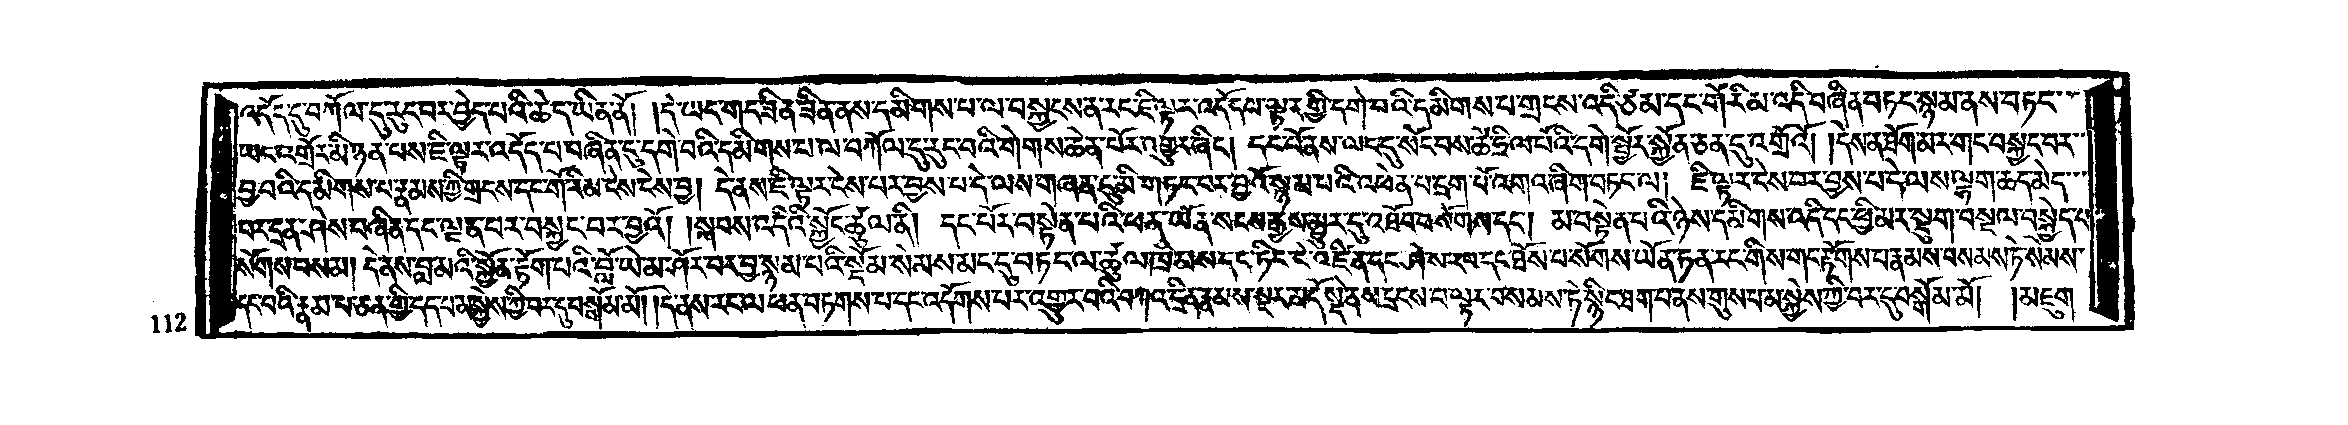འདོད་དུ་བཀོལ་དུ་རུང་བར་བྱེད་པའི་ཆེད་ཡིན་ནོ། །དེ་ཡང་གང་ཟིན་ཟིན་ནས་དམིགས་པ་ལ་བསྐྱངས་ན་རང་ཇི་ལྟར་འདོད་པ་ལྟར་གྱི་དགེ་བའི་དམིགས་པ་གྲངས་འདི་ཙམ་དང་གོ་རིམ་འདི་བཞིན་བཏང་སྙམ་ནས་བཏང་
ཡང་འགྲོར་མི་ཉན་པས་ཇི་ལྟར་འདོད་པ་བཞིན་དུ་དགེ་བའི་དམིགས་པ་ལ་བཀོལ་དུ་རུང་བའི་གེགས་ཆེན་པོར་འགྱུར་ཞིང་། དང་པོ་ནས་ལང་དུ་སོང་བས་ཚེ་ཧྲིལ་པོའི་དགེ་སྦྱོང་སྐྱོན་ཅན་དུ་འགྲོའོ། །དེས་ན་ཐོག་མར་གང་བསྐྱང་བར་
བྱ་བའི་དམིགས་པ་རྣམས་ཀྱི་གྲངས་དང་གོ་རིམ་ངེས་ངེས་བྱ། དེ་ནས་ཇི་ལྟར་ངེས་པར་བྱས་པ་དེ་ལས་གཞན་དུ་མི་གཏང་བར་བྱའོ་སྙམ་པའི་འཕེན་པ་དྲག་པོ་འགའ་ཞིག་བཏང་ལ། ཇི་ལྟར་ངེས་པར་བྱས་པ་དེ་ལས་ལྷག་ཆད་མེད་
བར་དྲན་ཤེས་བཞིན་དང་ལྡན་པར་བསྐྱང་བར་བྱའོ། །སྐབས་འདིའི་སྐྱོང་ཚུལ་ནི། དང་པོར་བསྟེན་པའི་ཕན་ཡོན་སངས་རྒྱས་མྱུར་དུ་འཐོབ་པ་སོགས་དང་། མ་བསྟེན་པའི་ཉེས་དམིགས་འདི་དང་ཕྱི་མར་སྡུག་བསྔལ་བསྐྱེད་པ་
སོགས་བསམ། དེ་ནས་བླ་མའི་སྐྱོན་རྟོག་པའི་བློ་ཡེ་མ་ཤོར་བར་བྱ་སྙམ་པའི་སྡོམ་སེམས་མང་དུ་བཏང་ལ་ཚུལ་ཁྲིམས་དང་ཏིང་ངེ་འཛིན་དང་ཤེས་རབ་དང་ཐོས་པ་སོགས་ཡོན་ཏན་རང་གིས་གང་རྟོགས་པ་རྣམས་བསམས་ཏེ་སེམས་
དང་བའི་རྣམ་པ་ཅན་གྱི་དད་པ་མ་སྐྱེས་ཀྱི་བར་དུ་བསྒོམ་མོ། །དེ་ནས་རང་ལ་ཕན་བཏགས་པ་དང་འདོགས་པར་འགྱུར་བའི་བཀའ་དྲིན་རྣམས་སྔར་མདོ་སྡེ་ནས་དྲངས་པ་ལྟར་བསམས་ཏེ་སྙིང་ཐག་པ་ནས་གུས་པ་མ་སྐྱེས་ཀྱི་བར་དུ་བསྒོམ་མོ། །མཇུག་